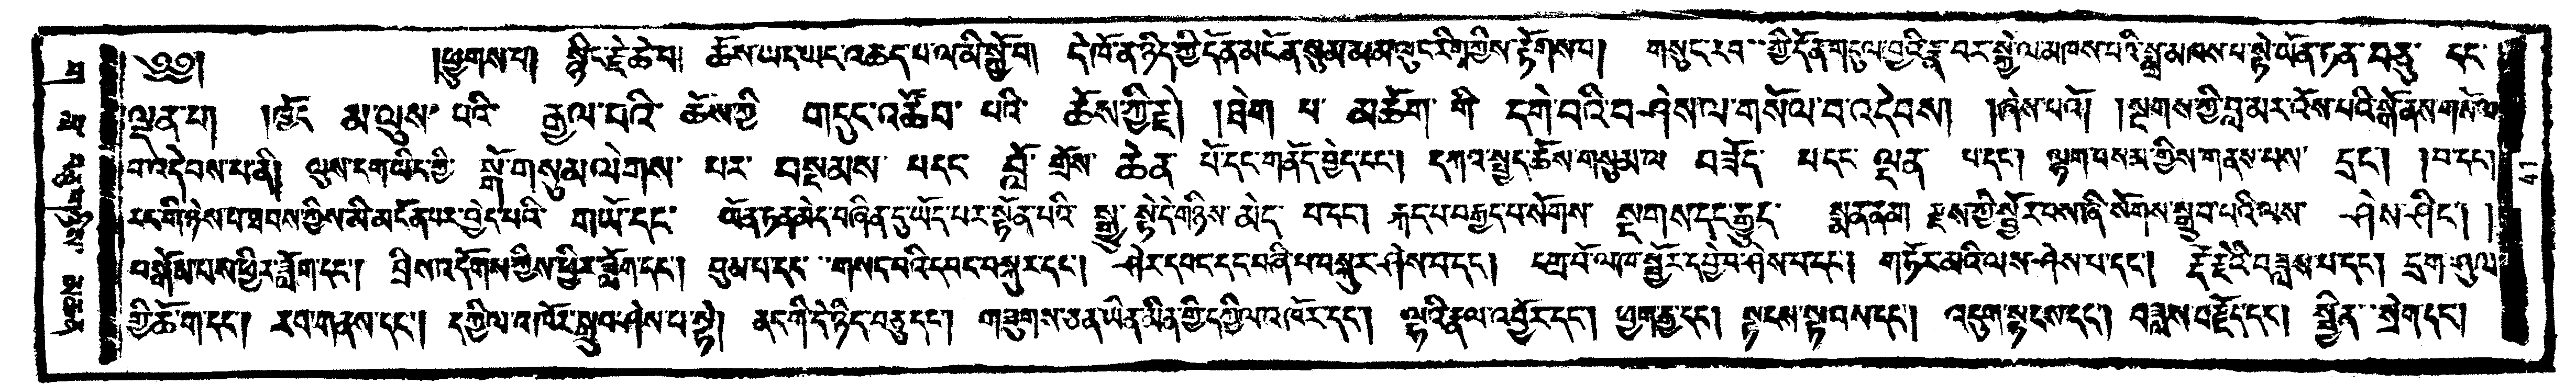༄༅། །ཕྱུགས་པ། སྙིང་རྗེ་ཆེ་བ། ཆོས་ཡང་ཡང་འཆད་པ་ལ་མི་སྐྱོ་བ། དེ་ཁོ་ན་ཉིད་ཀྱི་དོན་མངོན་སུམ་མམ་ལུང་རིགས་ཀྱིས་རྟོགས་པ། གསུང་རབ་ཀྱི་དོན་གདུལ་བྱའི་རྣ་བར་སྐྱེ་ལ་མཁས་པའི་སྒྲ་མཁས་པ་སྟེ་ཡོན་ཏན་བཅུ་དང་
ལྡན་པ། །ཁྱོད་མ་ལུས་པའི་རྒྱལ་བའི་ཆོས་ཀྱི་གདུང་འཚོབ་པའི་ཆོས་ཀྱི་རྗེ། །ཐེག་པ་མཆོག་གི་དགེ་བའི་བཤེས་ལ་གསོལ་བ་འདེབས། །ཞེས་པའོ། །སྔགས་ཀྱི་བླ་མར་འོས་པའི་སྒོ་ནས་གསོལ་
བ་འདེབས་པ་ནི། ལུས་ངག་ཡིད་ཀྱི་སྒོ་གསུམ་ལེགས་པར་བསྡམས་པ་དང་བློ་གྲོས་ཆེན་པོ་དང་གནོད་བྱེད་དང་། དཀའ་སྤྱད་ཆོས་གསུམ་ལ་བཟོད་པ་དང་ལྡན་པ་དང་། ལྷག་བསམ་གྱིས་གནས་པས་དྲང་། །བ་དང་།
རང་གི་ཉེས་པ་ཐབས་ཀྱིས་མི་མངོན་པར་བྱེད་པའི་གཡོ་དང་ཡོན་ཏན་མེད་བཞིན་དུ་ཡོད་པར་སྟོན་པའི་སྒྱུ་སྟེ་དེ་གཉིས་མེད་པ་དང་། རྐང་པ་བརྒྱད་པ་སོགས་སྔགས་དང་རྒྱུད་སྨན་ནམ། རྫས་ཀྱི་སྦྱོར་བས་ཞི་སོགས་སྒྲུབ་པའི་ལས་ཤེས་ཤིང་། །
བསྒོམ་པས་ཕྱིར་ཟློག་དང་། བྲིས་འདོགས་ཀྱིས་ཕྱིར་ཟློག་དང་། བུམ་པ་དང་གསང་བའི་དབང་བསྐུར་དང་། ཤེར་དབང་དང་བཞི་པ་བསྐུར་ཤེས་པ་དང་། དགྲ་བོ་ལ་ཁ་སྦྱོར་དབྱེ་བ་ཤེས་པ་དང་། གཏོར་མའི་ལས་ཤེས་པ་དང་། རྡོ་རྗེའི་བཟླས་པ་དང་། དྲག་ཤུལ་
གྱི་ཆོ་ག་དང་། རབ་གནས་དང་། དཀྱིལ་འཁོར་སྒྲུབ་ཤེས་པ་སྟེ། ནང་གི་དེ་ཉིད་བཅུ་དང་། གཟུགས་ཅན་ཡིན་མིན་གྱི་དཀྱིལ་འཁོར་དང་། ལྷའི་རྣལ་འབྱོར་དང་། ཕྱག་རྒྱ་དང་། སྟངས་སྟབས་དང་། འདུག་སྟངས་དང་། བཟླས་བརྗོད་དང་། སྦྱིན་སྲེག་དང་།